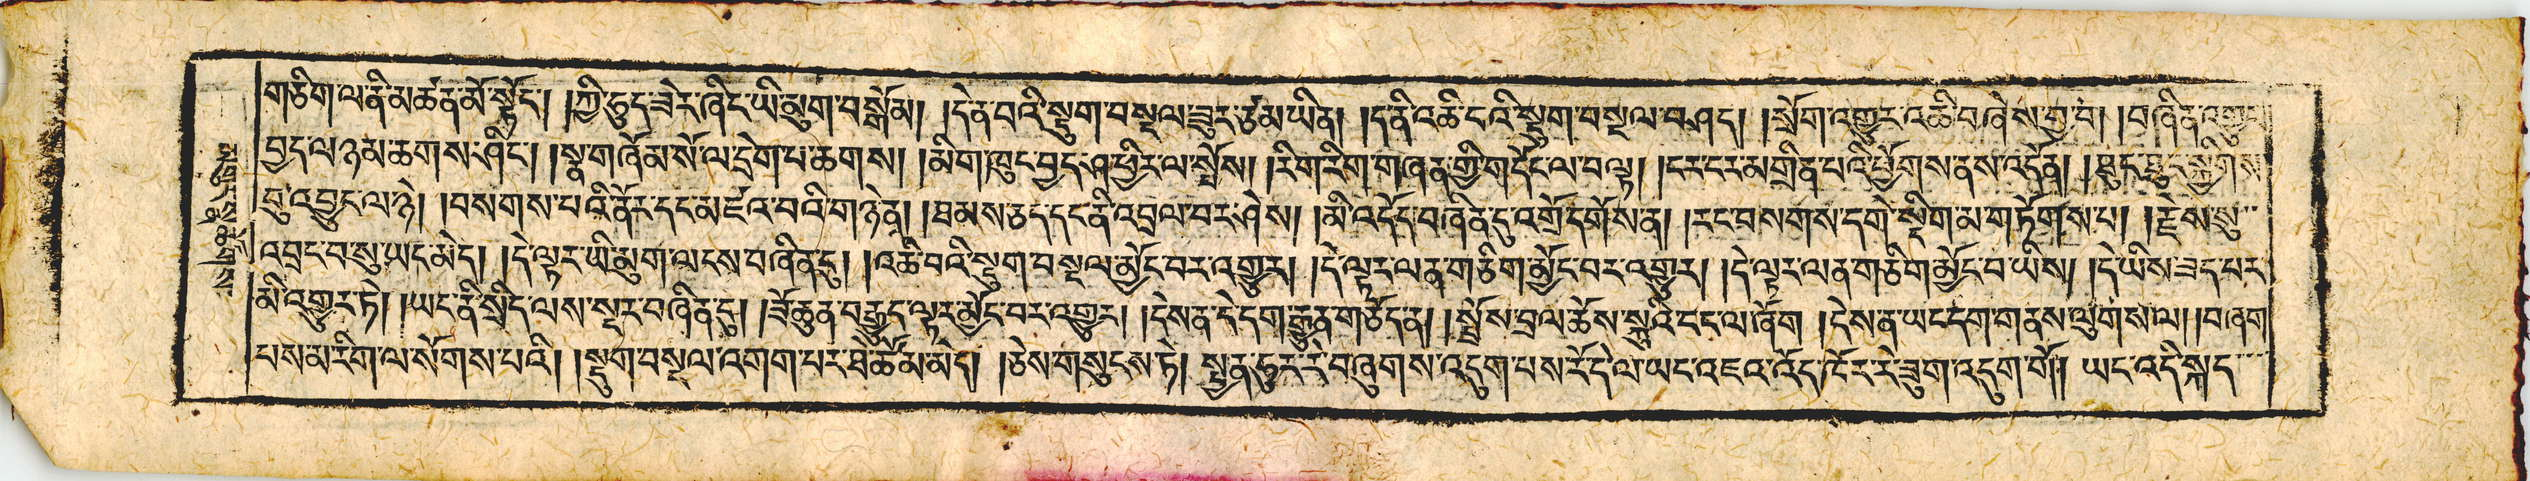གཅིག་ལ་ནི་མཚན་མོ་སྟོང་། །ཀྱི་ཆུད་ཟེར་ཞིང་ཡི་མུག་བསྒོམ། །དེ་ན་བའི་སྡུག་བསྔལ་ཟུར་ཙམ་ཡིན། །ད་ནི་འཆི་བའི་སྡུག་བསྔལ་བཤད། །སྲོག་འགྱུར་འཆི་བ་ཞེས་བྱ་བ། །བཞིན་འགྱུར་
བྱད་ལ་ཉམ་ཆགས་ཤིང་། །སྣ་གཞོམ་སོ་ལ་དྲེག་པ་ཆགས། །མིག་ཁུང་བྱད་ཤ་ཕྱིར་ལ་སྤོས། །རིག་རིག་གཞན་གྱི་གདོང་ལ་བལྟ། །ངར་ངར་མགྲིན་པའི་ཕྱོགས་ནས་འདོན། །ཆུད་ཟུར་སྐྱུགས་
བུ་འབྱུང་ལ་ཉེ། །བསགས་པའི་ནོར་དང་མཛའ་བའི་གཉེན། །ཐམས་ཅད་དང་ནི་འབྲལ་བར་ཤེས། །མི་འདོད་བཞིན་དུ་འགྲོ་དགོས་ན། །རང་བསགས་དགེ་སྡིག་མ་གཏོགས་པ། །རྗེས་སུ
འབྲང་བ་སུ་ཡང་མེད། །དེ་ལྟར་ཡི་མུག་ལངས་བཞིན་དུ། །འཆི་བའི་སྡུག་བསྔལ་མྱོང་བར་འགྱུར། །དེ་ལྟར་ལན་གཅིག་མྱོང་བར་འགྱུར། །དེ་ལྟར་ལན་གཅིག་མྱོང་བ་ཡིས། །དེ་ཡིས་ཟད་པར་
མི་འགྱུར་ཏེ། །ཡང་ནི་སྲིད་ལས་སྔར་བཞིན་དུ། །ཟོ་ཆུན་བརྒྱུད་ལྟར་མྱོང་བར་འགྱུར། །དེས་ན་དེ་དག་རྒྱུན་གཅོད་ན། །སྤྲོས་བྲལ་ཆོས་སྐུའི་ངང་ལ་ཞོག །དེས་ན་ཡང་དག་གནས་ལུགས་ལ། །བཞག་
པས་མ་རིག་ལ་སོགས་པའི། །སྡུག་བསྔལ་འགག་པར་ཐེ་ཚོམ་མེད། །ཅེས་གསུངས་ཏེ། སྤྱན་ཧུར་རེ་བཞུགས་འདུག་པས་རོ་དེ་ལ་ཡང་འཇའ་འོད་ཁོར་རེ་ཟུག་འདུག་པ། ཡང་འདི་སྐད་